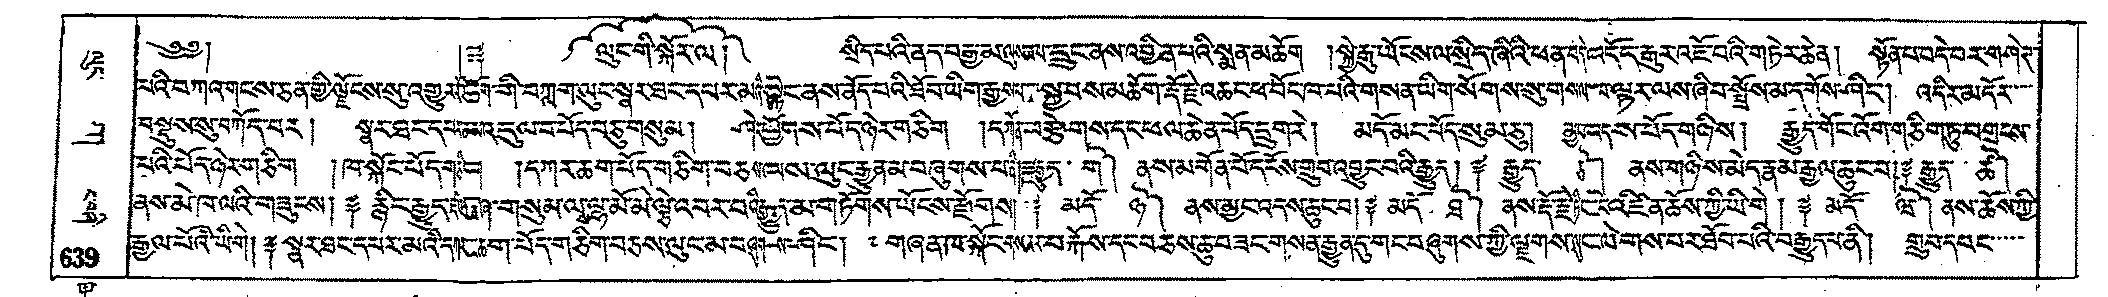༄༅། ། ༈ ལུང་?་གི་སྐོར་ལ། སྲིད་པའི་ནད་བརྒྱ་མ་ལུས་པ་དྲུང་ནས་འབྱིན་པའི་སྨ་ཆོག། སྐྱེ་རྒྱུ་ཡོངས་ལ་སྲིད་ཞིའི་ཕན་བདེ་འདོད་རྒུར་འཇོ་བའི་གཏེར་ཆེམ། སྟོན་པ་བདེ་བར་གཤེཌ་
པའི་བཀའ་གངས་ཅན་གྱི་ལྗོངས་སུ་འགྱུར་རོ་ཅོག་གི་བཀླག་ལུང་སྣར་ཐང་དཔར་མའི་སྟེང་ནས་ནོད་པའི་ཐོག་ཡིག་རྒྱས་པ ༧་སྐྱབས་མཆོག་རྡོ་རྗེ་འཆང་ཕ་བོང་ཁ་པའི་གསན་ཡིག་སོགས་སུ་གསལ་བ་ལྟར་ལས་ཞི་བ་སྤྲོས་མ་དགོས་ཤིང་། འདིར་མདོར་
བསྡུས་སུ་བཀོད་པར། སྣར་ཐང་དཔར་མ་འདུལ་བ་པོད་བཅུ་གསུམ། ཤེར་ཕྱོགས་པོད་ཉེར་གཅིག །དཀོན་བརྩེགས་དང་ཕལ་ཆེན་པོ་དྲུག་རེ། མདོ་མང་པོད་སུམ་ཅུ། མྱང་འདས་པོད་གཉིས། རྒྱུད་གོང་འོག་གཅིག་ཏུ་བགྲངས་
པའི་པོད་ཉེར་གཅིག །ཁ་སྐོང་པོད་གཅིག །དཀར་ཆག་པོད་གཅིག་བཅས་ལས་ལུང་རྒྱུན་མ་བཞུགས་པ་ནི། འྲྒྱུད་ག}་?་ནས་མགོན་པོ་དངོས་གྲུབ་འབྱུང་བའི་རྒྱུད། ༈ རྒྱུད་ཅ}་ནས་གཉིས་མེད་རྣམ་རྒྱལ་ཆུང་བ། ༑ རྒྱུད་ཚ}་?
ནས་མེ་ཁ་ལའི་གཟུངས། འ་རྙིང་རྒྱུད་ཛ་ཝ་ཞ་གསུམ་ལས་ལྷ་མོ་མེ་ལྕེ་འབར་བའི་རྒྱུད་མ་གཏོགས་ཡོངས་རྫོགས། ༈ མདོ་ཉ}་ནས་མྱང་འདས་ཆུང་བ། ༈ མདོ་ཐ}་ནས་རྡོ་རྗེ་ཏིང་ངེ་འཛིན་ཆོས་ཀྱི་ཡི་གེ། འ་མདོ་ཝ}་ནས་ཆོས་ཀྱི་
རྒྱལ་པོའི་ཡི་གེ། ༈ སྣར་ཐང་དཔར་མའི་དཀར་ཆག་པོད་གཅིག་བཅས་ལུང་མ་བཞུགས་ཤིང་། ༧་གཞན་ཁ་སྐོང་གསར་བརྐོས་དང་བཅས་ཆུ་བཟང་གསན་རྒྱུན་དུ་གང་བཞུགས་ཀྱི་ལྗགས་ལུང་ལེགས་པར་ཐོབ་པའི་བརྒྱུད་པ་ནི། གྲུབ་དབང་